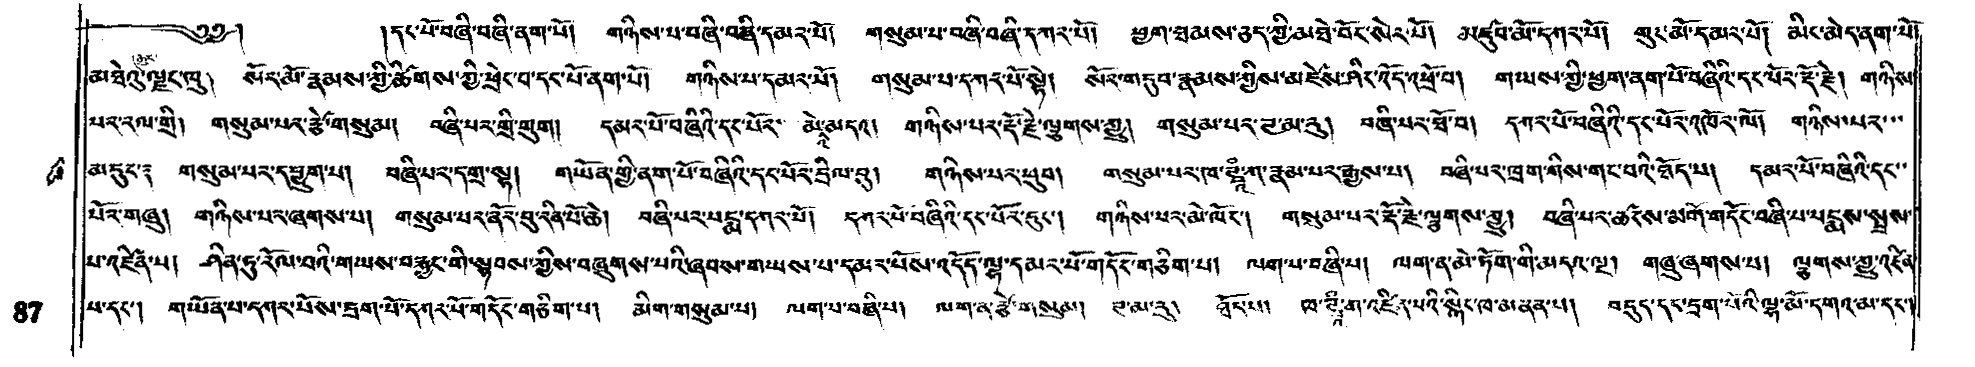༄༅། །དང་པོ་བཞི་བཞི་ནག་པོ། གཉིས་པ་བཞི་བཞི་དམར་པོ། གསུམ་པ་བཞི་བཞི་དཀར་པོ། ཕྱག་ཐམས་ཅད་ཀྱི་མཐེ་བོང་སེར་པོ། མཛུབ་མོ་དཀར་པོ། གུང་མོ་དམར་པོ། མིང་མེད་ནག་པོ་མཐེའུ་ཆུང་ལྗང་ཁུ། སོར་མོ་རྣམས་ཀྱི་ཚིགས་ཀྱི་ཕྲེང་བ་དང་པོ་ནག་པོ། གཉིས་པ་དམར་པོ། གསུམ་པ་དཀར་པོ་སྟེ། སོར་གདུབ་རྣམས་ཀྱིས་མཛེས་ཤིང་འོད་འཕྲོ་བ། གཡས་ཀྱི་ཕྱག་ནག་པོ་བཞིའི་དང་པོར་རྡོ་རྗེ། གཉིས་
པར་རལ་གྲི། གསུམ་པར་རྩེ་གསུམ། བཞི་པར་གྲི་གུག། དམར་པོ་བཞིའི་དང་པོར་མེའི་མདའ། གཉིས་པར་རྡོ་རྗེ་ལྕགས་ཀྱུ། གསུམ་པར་ཊ་མ་རུ། བཞི་པར་ཐོ་བ། དཀར་པོ་བཞིའི་དང་པོར་འཁོར་ལོ། གཉིས་པར་
མདུང༑ གསུམ་པར་དབྱུག་པ། བཞི་པར་དགྲ་སྟ། གཡོན་གྱི་ནག་པོ་བཞིའི་དང་པོར་དྲིལ་བུ། གཉིས་པར་ཕུབ། གསུམ་པར་ཁ་ཊྭཱཾ་ཀ་རྣམ་པར་རྒྱས་པ། བཞི་པར་ཁྲག་གིས་གང་བའི་ཐོད་པ། དམར་པོ་བཞིའི་དང་
པོར་གཞུ། གཉིས་པར་ཞགས་པ། གསུམ་པར་ནོར་བུ་རིན་པོ་ཆེ། བཞི་པར་པདམ་དཀར་པོ། དཀར་པོ་བཞིའི་དང་པོར་དུང་། གཉིས་པར་མེ་ལོང་། གསུམ་པར་རྡོ་རྗེ་ལྕགས་ཀྱུ། བཞི་པར་ཚངས་མགོ་གདོང་བཞི་པ་པདམས་སྤྲས་
པ་འཛིན་པ། ཤིན་ཏུ་རོལ་བའི་གཡས་བརྐྱང་གི་སྟབས་ཀྱིས་བཞུགས་པའི་ཞབས་གཡས་པ་དམར་པོས་འདོད་ལྷ་དམར་པོ་གདོང་གཅིག་པ། ལག་པ་བཞི་པ། ལག་ན་མེ་ཏོག་གི་མདའ་ལྔ། གཞུ་ཞགས་པ། ལྕགས་ཀྱུ་འཛིན་
པ་དང་། གཡོན་པ་དཀར་པོས་དྲག་པོ་དཀར་པོ་གདོང་གཅིག་པ། མིག་གསུམ་པ། ལག་པ་བཞི་པ། ལག་ན་རྩེ་གསུམ། ཊ་མ་རུ། ཐོད་པ། ཁ་ཊྭཱཾ་ག་འཛིན་པའི་སྙིང་ཁ་མནན་པ། བདུད་དང་དྲག་པོའི་ལྷ་མོ་དགའ་མ་དང་།